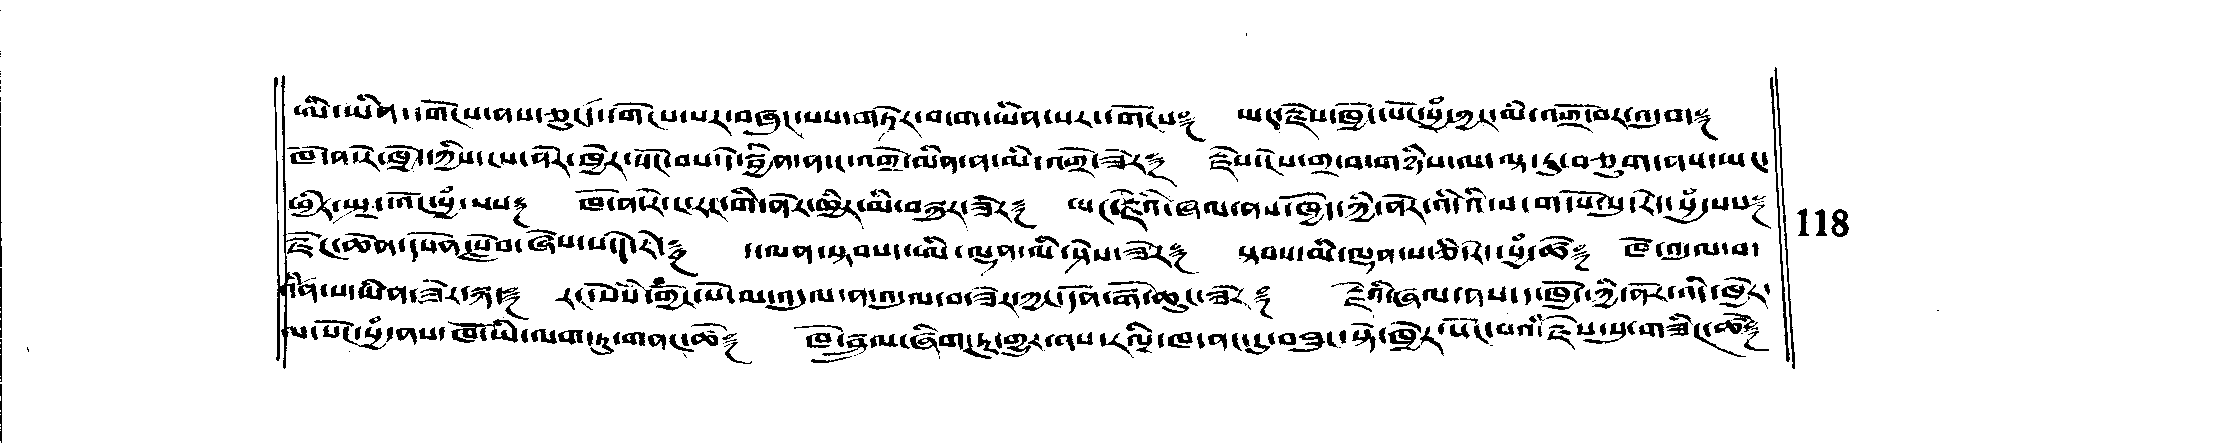ཨི་ཡིན་དགོངས་ནས་ཅུང་ཟད་དགོངས་པར་བཞུགས་པས་གཏེར་བདག་ཡིན་པར་དགོངས། ཡང་རྗེས་ཁྱོད་སོང་གསུངས་ཀྱང་མི་འགྲོ་བར་འདུག 
ཁོ་ན་རེ་ཁྱོད་ཀྱིས་ངའི་ནོར་ཁྱེར་སོང་བས་དེ་སྦྱིན་ན་ང་འགྲོ་མིན་ན་མི་འགྲོ་ཟེར། རྗེས་ངས་གྲྭ་པ་གཉིས་ལ་ལྟ་རུ་བཅུག་ནས་ཡང་
ཕྱིར་སྤྲད་འོང་གསུངས་པས། ཁོ་ན་རེ་ང་རང་གི་ནོར་ཕྱིར་མི་བསྐུར་ཟེར། ཡང་རྗེའི་ཞལ་ནས་ཁྱོད་ཀྱི་ནོར་འདིའི་བདག་པོ་སུ་རེད་གསུངས་པས། 
རྫོགས་ཆེན་དཔོན་སློབ་ཞེས་པ་དེ་རེད། ད་ལན་སྟབས་ཨི་ལྡན་མི་ཤེས་ཟེར། སྟབས་མི་ལྡན་པ་ཅི་རེད་གསུངས་ཚེ། ཁོ་འདུལ་བ་
འཛིན་པ་ཡིན་ཟེར་སྐད། རང་སེམས་གྱོང་པོ་མ་འདུལ་ན་འདུལ་བ་ཟེར་ཀྱང་དོན་སྒོ་ཆུང་ཟེར། རྗེའི་ཞལ་ནས་ད་ཁྱོད་ཀྱི་ནོར་འདི་ཁྱེར་
ལ་སོང་གསུངས་ནས་ཁོ་ཡི་ལག་ཏུ་གནང་ཚེ། ཁོ་སྦྲུལ་ཞིག་ཏུ་གྱུར་ནས་རལ་གྲི་ཁ་ནང་དུ་བཟུང་སྟེ་ཁྱེར་སོང་བའི་རྗེས་སུ་གཟིགས་ཚེ།